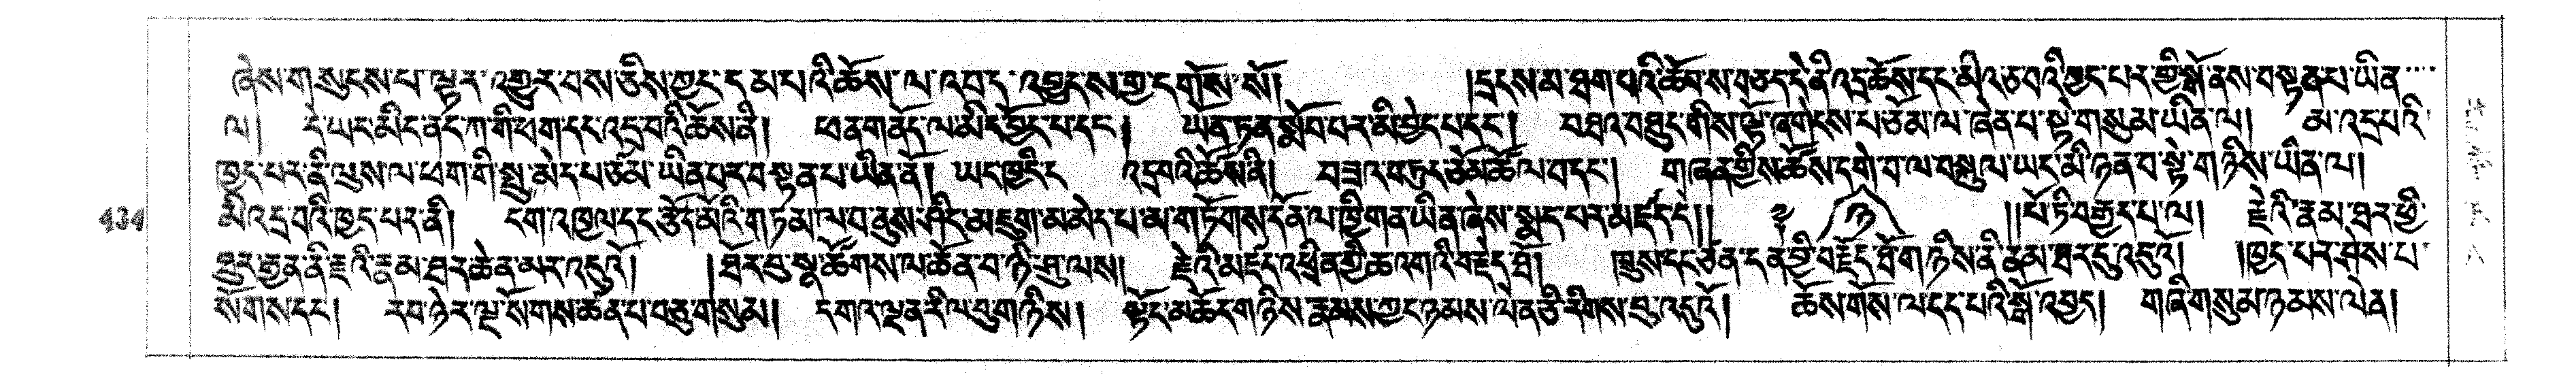ཞེས་གསུངས་པ་ལྟར་འགྱུར་བས་ཅིས་ཀྱང་དམ་པའི་ཆོས་ལ་འབད་འབྱུང་ས་གྱ་དགོས་སོ། །དྲངས་མ་ཐག་པའི་ཆོབ་ས་བཅད་དེ་ནི་འདྲ་ཆོས་དང་མའི་ཅ་བའི་ཀྱང་པར་གྱི་སྒོ་ནས་བསྟན་པ་ཡིན་
ལ། དེ་ཡང་མིང་ནང་ཀ་གི་ཕག་དང་འདྲ་བའི་ཆོས་ནི། ཕན་གནོད་ལ་མིང་བྱོད་པ་དང་། ཡོན་ཏན་སྨོབ་བར་མི་བྱེད་པ་དང་། བྠའ་བྠུང་གིས་ལྟོ་ཞ་གེངས་པ་ཅོམ་ལ་ཞེན་པ་སྟེ་གསུམ་ཡིན་ལ། མ་འདྲ་པའི་
ཁྱད་པར་ནི་ལུས་ལ་ཕག་གི་སྤུ་མེད་པ་ཙམ་ཡིན་པར་བསྟན་པ་ཡིན་ནོ། ཡང་ཁྱིད་ང་འདྲ་བའི་ཚོས་ནི། བཟའ་བཏུང་ཅོམ་ཚོལ་བ་དང་། གཞན་གྱིས་ཆོས་དགེ་བ་ལ་བསྐུལ་ཡང་མི་ཉན་བ་སྟེ་གཉིས་ཡིན་ལ།
མི་འདྲ་བའི་ཁྱད་པར་ནི། ངག་འཁྱལ་དང་རྩོད་མོའི་གཏམ་ལ་བ་ནུས་ཤིང་མཇུག་མ་མེད་པ་མ་གཏོགས་དོན་ལ་ཁྱི་གན་ཡིན་ཞེས་སྨད་པར་མཛད་དེ།། ༈ ཉ྄་།།པོ་ཏི་བརྒྱད་པ་ལ། རྗེའི་རྣམ་ཐར་ཕྱི་
ཐུར་རྒྱན་ནི་རྗའི་རྣམ་ཐར་ཆེན་མར་འདུའོ། །ཐོར་བུ་སྣ་ཚོགས་ལ་ཆོན་པ་ཉི་ཤུ་ལས། རྗེའི་མཛད་འཕྲིན་གྱི་ཆ་འགའི་བརྗེད་ཐོ། ཁྲུས་དང་ཙན་དན་བྱི་བརྗོད་ཐོ་གཉིས་ནི་ནམ་ཐར་དུ་འདུའོ། །ཁྱད་པར་ཤེས་པ་
སོགས་དང་། རབ་ཉེར་ལྔ་སོགས་ཚན་པ་བཅུ་གསུམ། དགའ་ལྡན་རིལ་བུ་གཉིས། སྟོང་མཆོད་གཉིས་རྣམས་ཀྱང་ཉམས་ལེན་ཅི་རིགས་བུ་འདུའོ། ཆོས་གོས་ལ་དད་པའི་སྒོ་འབྱད། གཞི་གསུམ་ཉམས་ལེན།